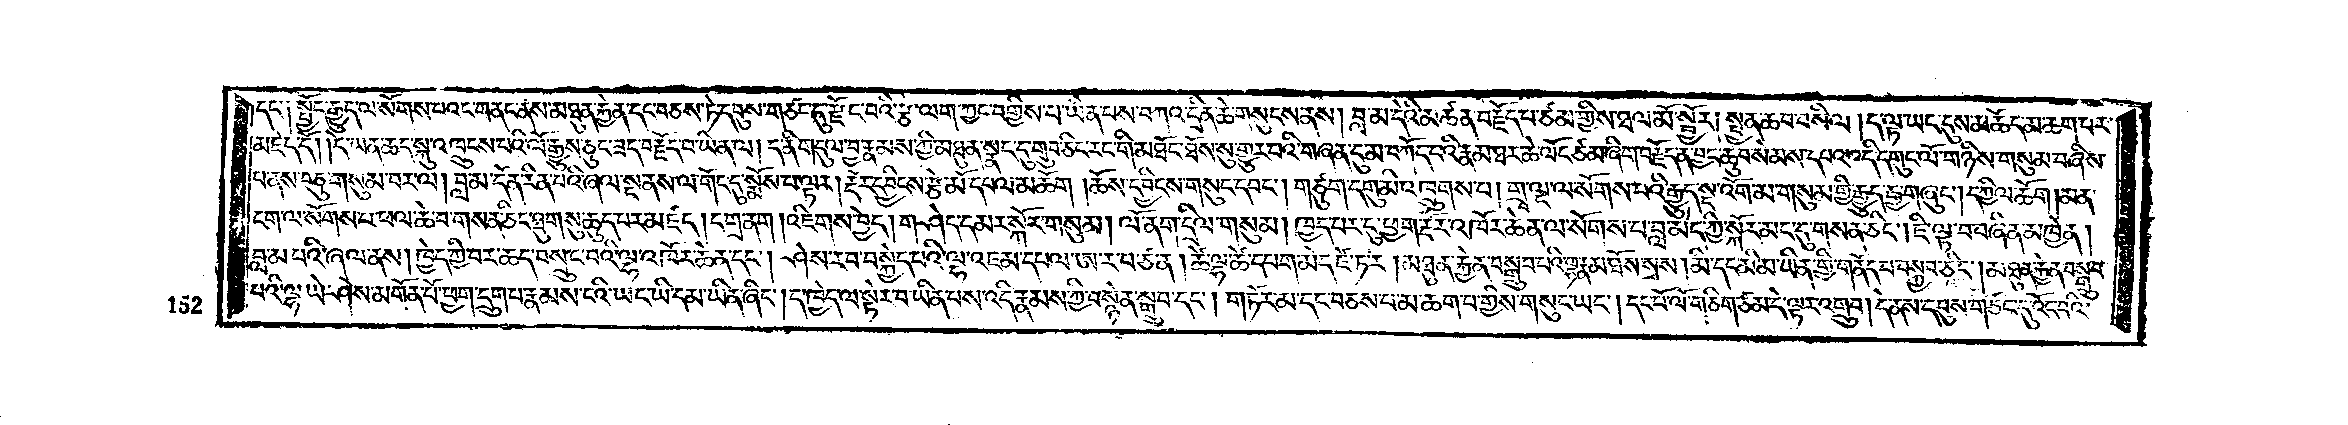དང༑ སྤྱོད་རྒྱུད་ལ་སོགས་པའང་གནང་ནས་མཐུན་རྐྱེན་དང་བཅས་ཏེ་དབུས་གཙང་དུ་རྫོང་བའི་རྩེ་ལག་ཀྱང་བགྱིས་པ་ཡིན་པས་བཀའ་དྲིན་ཆེ་གསུངས་ནས། བླ་མ་དེའི་མཚན་བརྗོད་པ་ཙམ་གྱིས་ཐལ་མོ་སྦྱོར། སྤྱན་ཆབ་བསིལ་།ད་ལྟ་ཡང་དུས་མཆོད་མ་ཆག་པར་
མཛད་དོ། །དེ་ཡན་ཆད་སྐུ་འཁྲུངས་པའི་ལོ་རྒྱུས་ཅུང་ཟད་བརྗོད་པ་ཡིན་ལ། ད་ནི་གདུལ་བྱ་རྣམས་ཀྱི་མཐུན་སྣང་དུ་གྲུབ་ཅིང་རང་གི་མཐོང་ཐོས་སུ་གྱུར་བའི་གཞན་དུ་མ་བཀོད་བའི་རྣམ་ཐར་ཆེ་ལོང་ཙམ་ཞིག་བརྗོད་ན་བྱང་ཆུབ་སེམས་དཔའ་འདི་དགུང་ལོ་གཉིས་གསུམ་བཞིས་
པ་ནས་བཅུ་གསུམ་བར་ལ། བླ་མ་དོན་རིན་པའི་ཞལ་སྔ་ནས་ལ་གོང་དུ་སྨོས་པ་ལྟར། རྡོར་དབྱིངས་རྩེ་མོ་དཔལ་མཆོག །ཆོས་དབྱིངས་གསུང་དབང་། གཙུག་དགུ་མི་འཁྲུགས་པ། གྲྭ་ལྔ་ལ་སོགས་པའི་རྒྱུད་སྔ་འོག་མ་གསུམ་གྱི་རྒྱུད་རྒྱ་གཞུང་། དཀྱིལ་ཆོག །མན་
ངག་ལ་སོགས་པ་ཕལ་ཆེ་བ་གསན་ཅིང་ཐུགས་སུ་ཆུད་པར་མཛད། དགྲ་ནག །འཇིགས་བྱེད། གཤེད་དམར་སྐོར་གསུམ། ལོ་ནག་དྲིལ་གསུམ། ཁྱད་པར་དུ་ཕྱག་རྔོར་འཁོར་ཆེན་ལ་སོགས་པ་བླ་མེད་ཀྱི་སྐོར་མང་དུ་གསན་ཅིང་། ཇི་ལྟ་བ་བཞིན་མཁྱེན།
བླ་མ་པའི་ཞལ་ནས། ཁྱེད་ཀྱི་བར་ཆད་བསྲུང་བའི་ལྷ་འཁོར་ཆེན་དང་། ཤེས་རབ་བསྐྱེད་པའི་ལྷ་འཇམ་དཔལ་ཨ་ར་པ་ཙ་ན། ཚེ་ལྷ་ཚེ་དཔག་མེད་ཛེ་ཏ་ར། མཐུན་རྐྱེན་བསྒྲུབ་པའི་ལྷ་རྣམ་ཐོས་སྲས། མི་དང་མི་མ་ཡིན་གྱི་གནོད་པ་བསྐྱབ་ཅིང་། མཐུན་རྐྱེན་བསྒྲུབ་
པའི་ལྷ་ཡེ་ཤེས་མགོན་པོ་ཕྱག་དྲུག་པ་རྣམས་ངའི་ཡང་ཡི་དམ་ཡིན་ཞིང་། ད་ཁྱེད་ལ་སྟེར་བ་ཡིན་པས་འདི་རྣམས་ཀྱི་བསྙེན་སྒྲུབ་དང་། གཏོར་མ་དང་བཅས་པ་མ་ཆག་པ་གྱིས་གསུང་ཡང་། དང་པོ་ལོ་གཅིག་ཙམ་དེ་ལྟར་འགྲུབ། དེ་ནས་དབུས་གཙང་དུ་འོང་བའི་